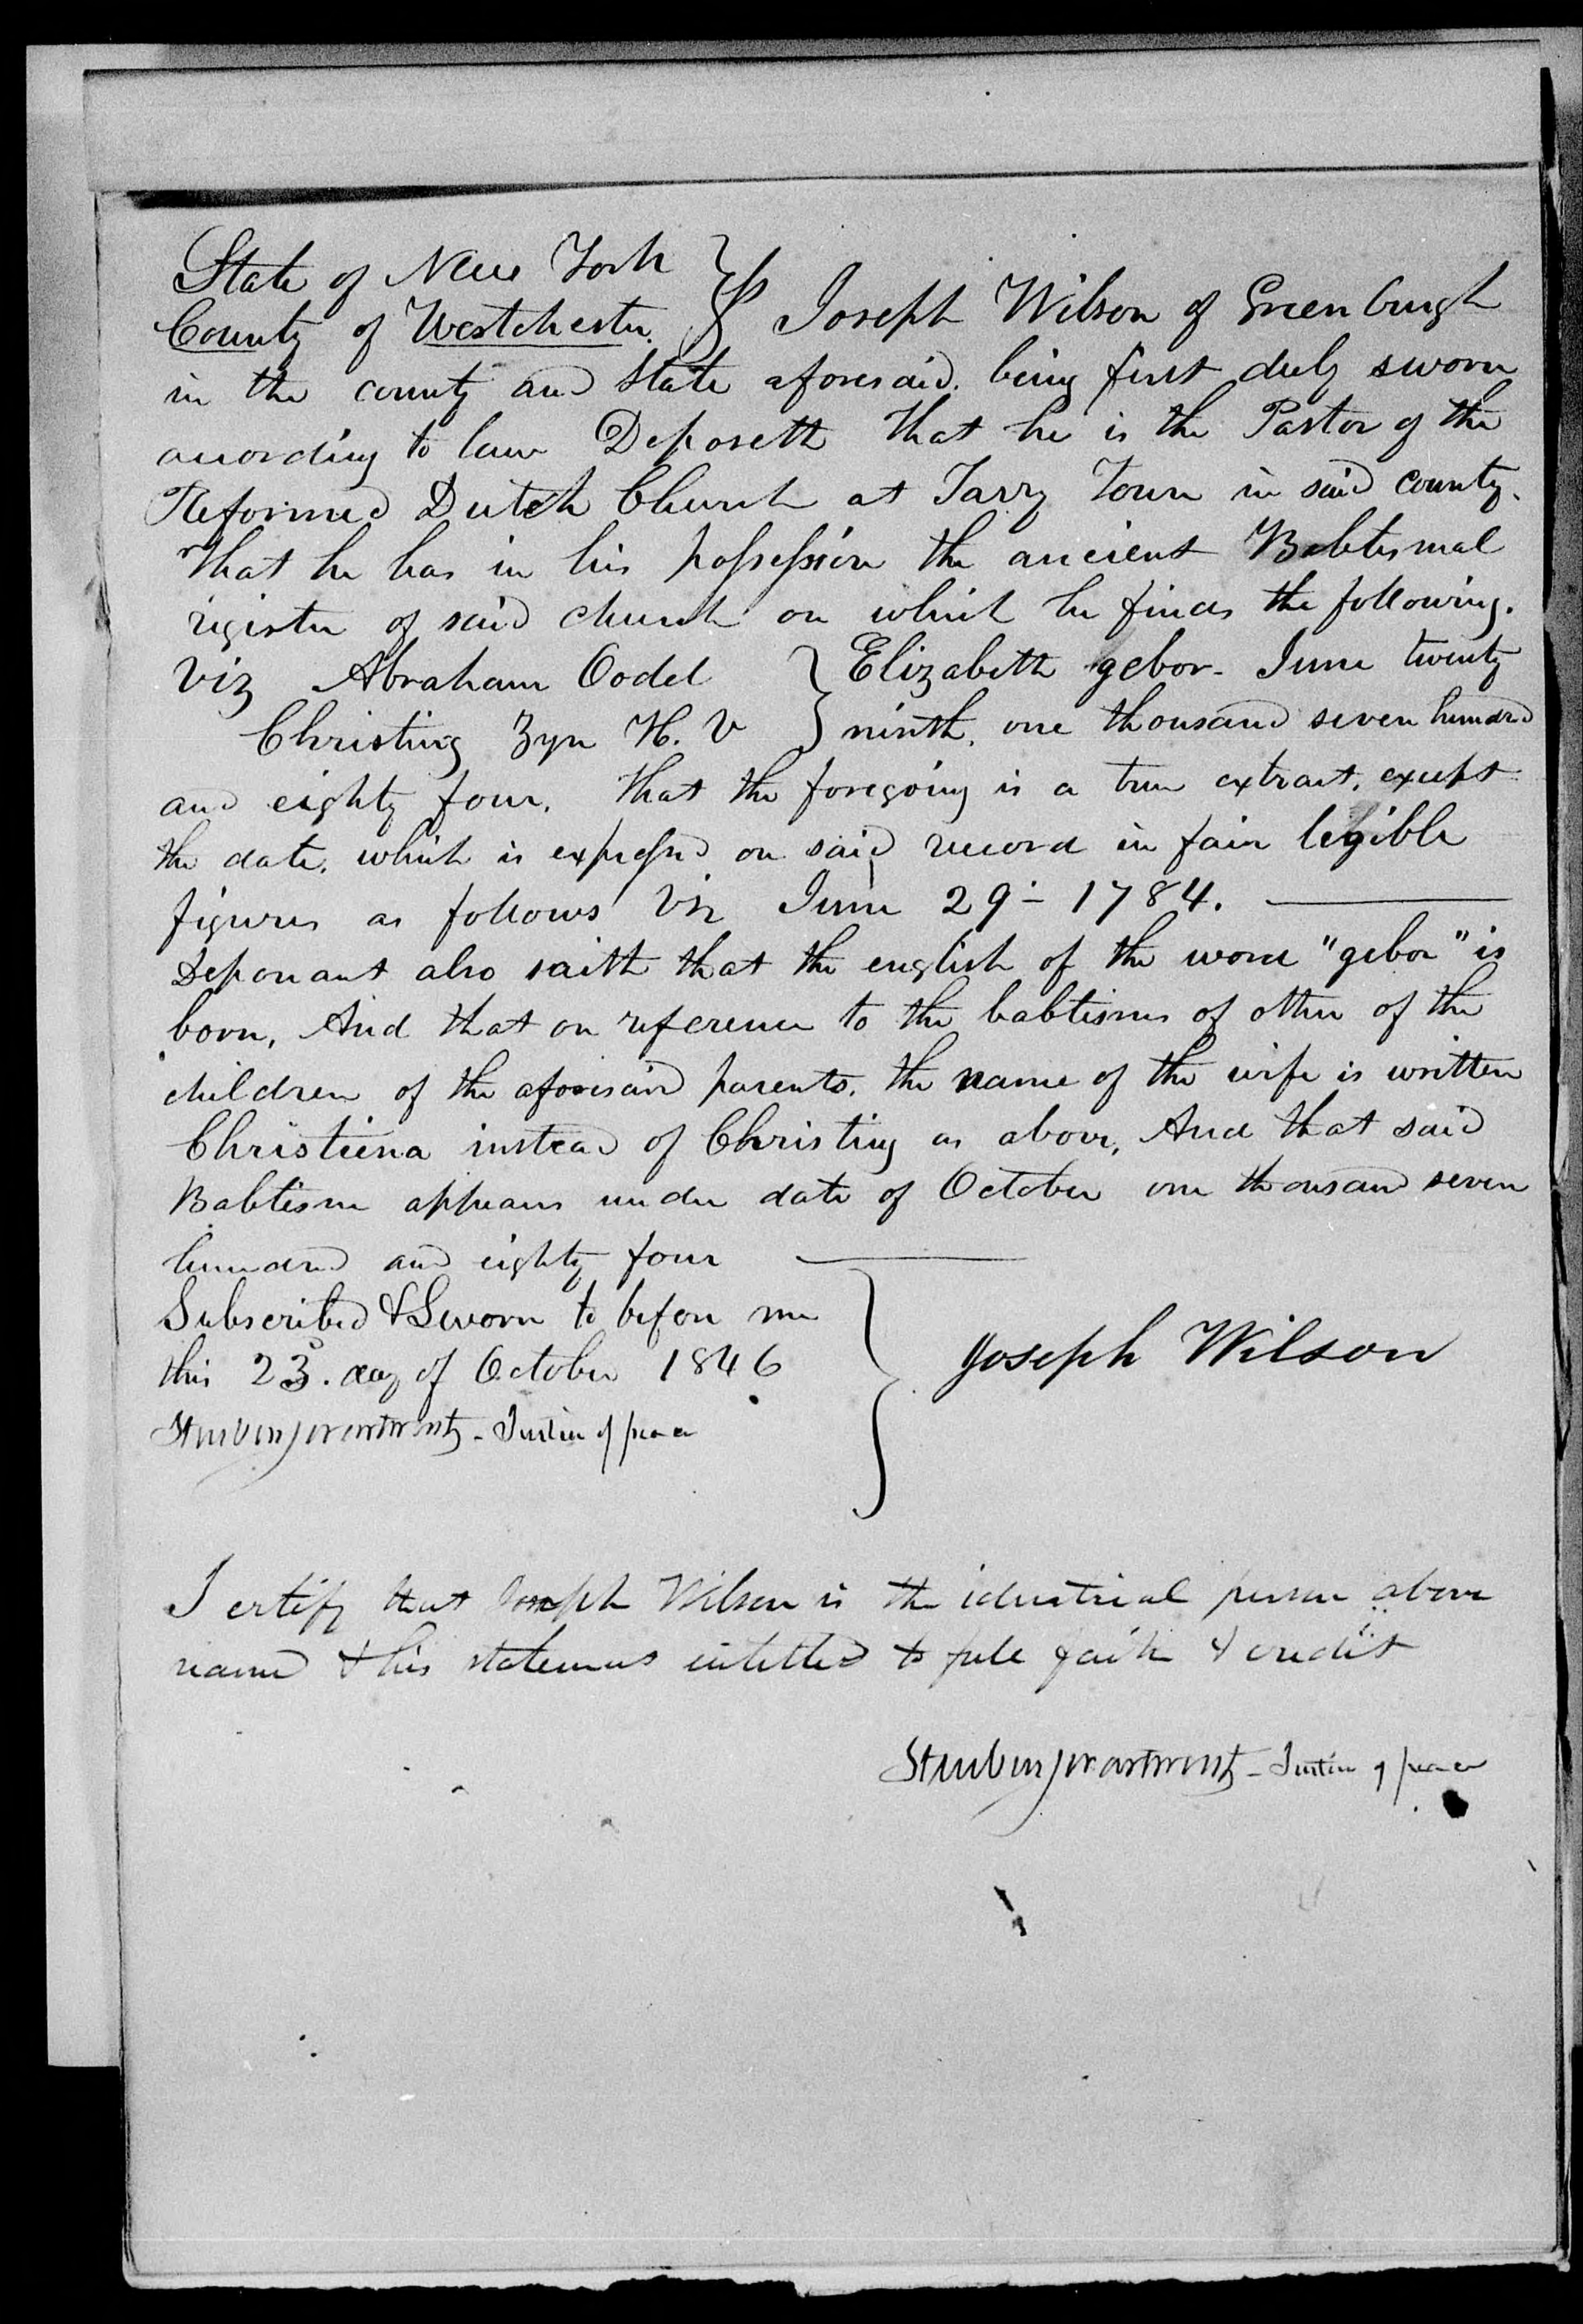State of New York County of Westchester. [county name underlined] } Ss.
Joseph Wilson of Greenburgh in the County and State aforesaid being first duly sworn according to law Deposeth that he is the Pastor of the Reformed Dutch Church at Tarry Town in said County. That he has in his possession the ancient Babtismal [Baptismal] register of said church on which he finds the following. Viz Abraham Oodel Christing 3yr H.V.} Elizabeth gebor. June twenty ninth, one thousand seven hundred and eighty four. That the foregoing is a true extract, except the date, which is expressed on said record in fair legible figures as follows viz, June 29- 1784. --- Deponant also saith that the english of the word "gebor" is born, And that on reference to the babtisms of other of the children of the aforesaid parents, the name of the wife is written Christiana instead of Christing as above, And that said Babtism appears under date of October one thousand seven hundred and eighty four --- Joseph Wilson [signature] 

Subscribed & Sworn to before me this 23d. day of October 1846} Steuben J Wartworst [signature] Justice of peace

I certify that Joseph Wilson is the identical person above name & his statement intitled to full faith & credit 
Steuben J Wartworst [signature] Justice of peace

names: Elizabeth Gebor; Steuben J Wartworst; Abraham Oodel; Christiena [BLANK]; Joseph Wilson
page: 6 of 19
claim: widow's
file: W. 24363, for Abraham Odell, New York